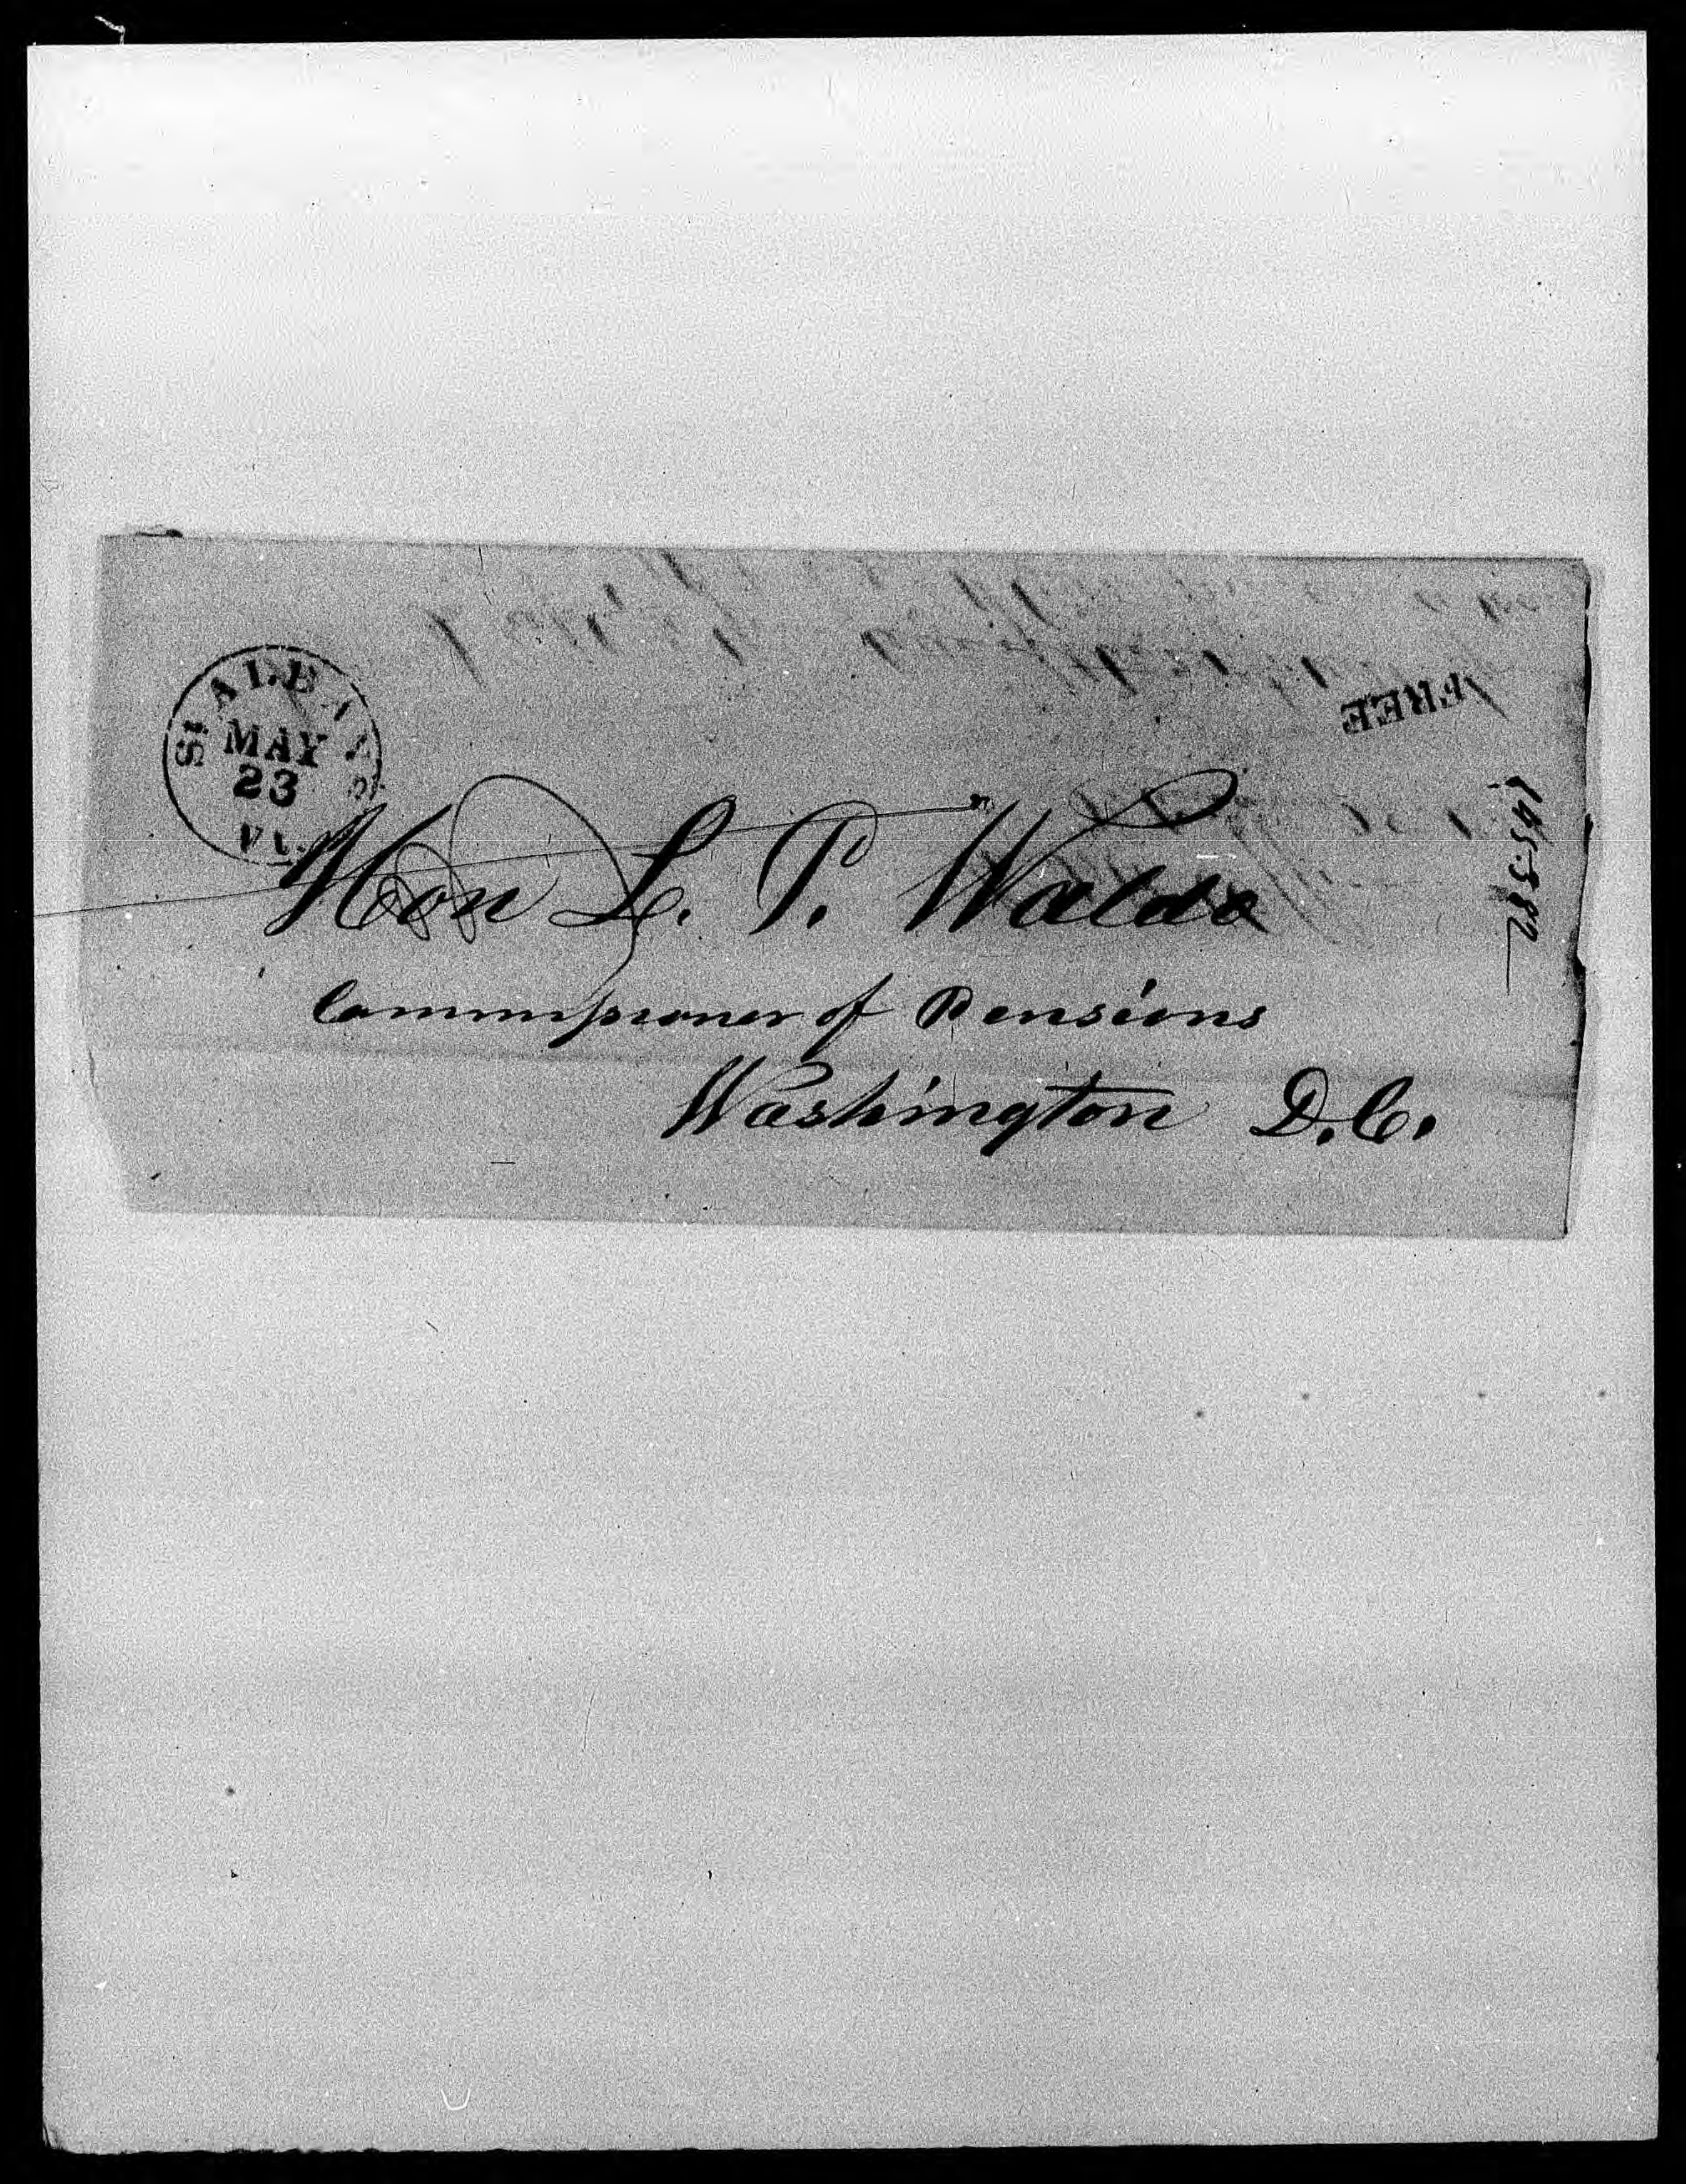St Albans May 23 [stam
Hon L P Waldo 
Commissioner of pensions Washington D.C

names: L P Waldo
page: 28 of 58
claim: widow's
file: W. 25813, Jehiel Hull, Conn.